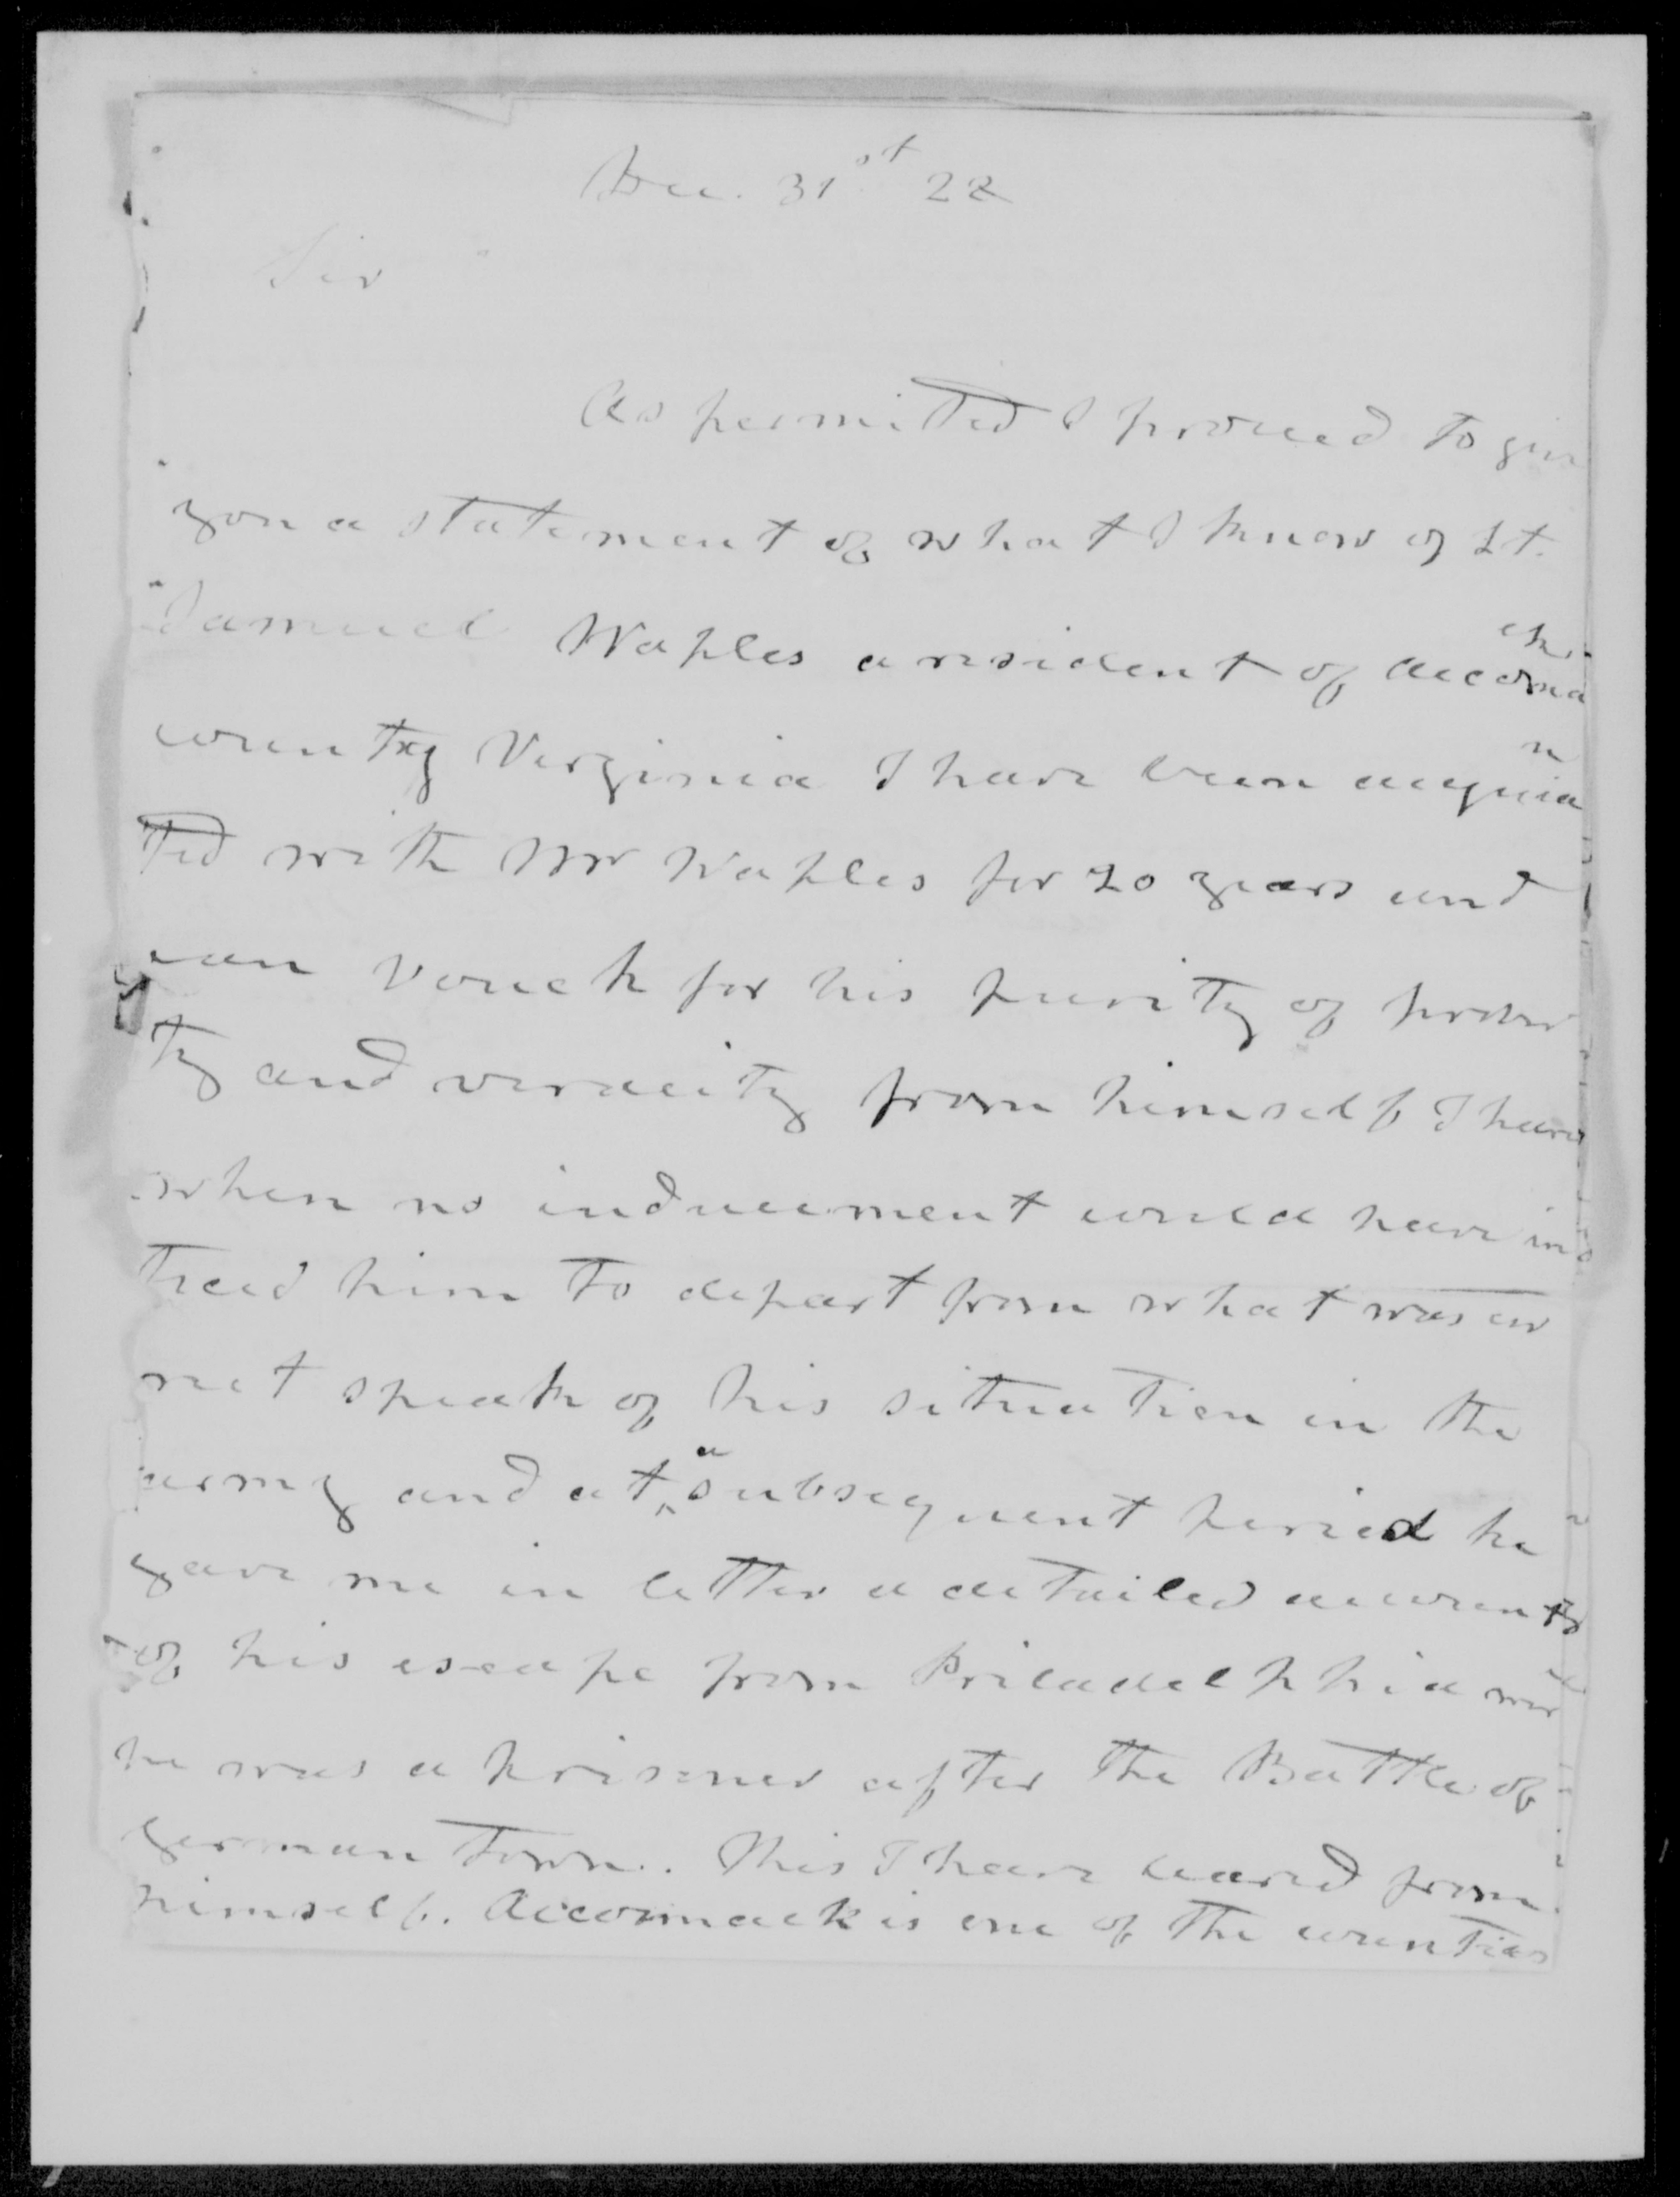Dec. 31st 28

Sir
As permitted I proceed to give you a statement of what I know of Lt. Samuel Waples resident of Accomack County Virginia I have been acquainted with Mr Waples for 20 years and can vouch for his purity of person and veracity from himself  I [Illegible] when no inducement would have inticed him to depart from what was or not speak of his situation in the army and a subsequent period he gave me in letter a detailed account of his escape from Philadelphia he was a prisoner of the British after the Battle of Germantown. This I have learned from himself. Accomack is one of the counties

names: Samuel Waples, Waples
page: 32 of 59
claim: widow's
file: W. 6427, Samuel Waples, Va.